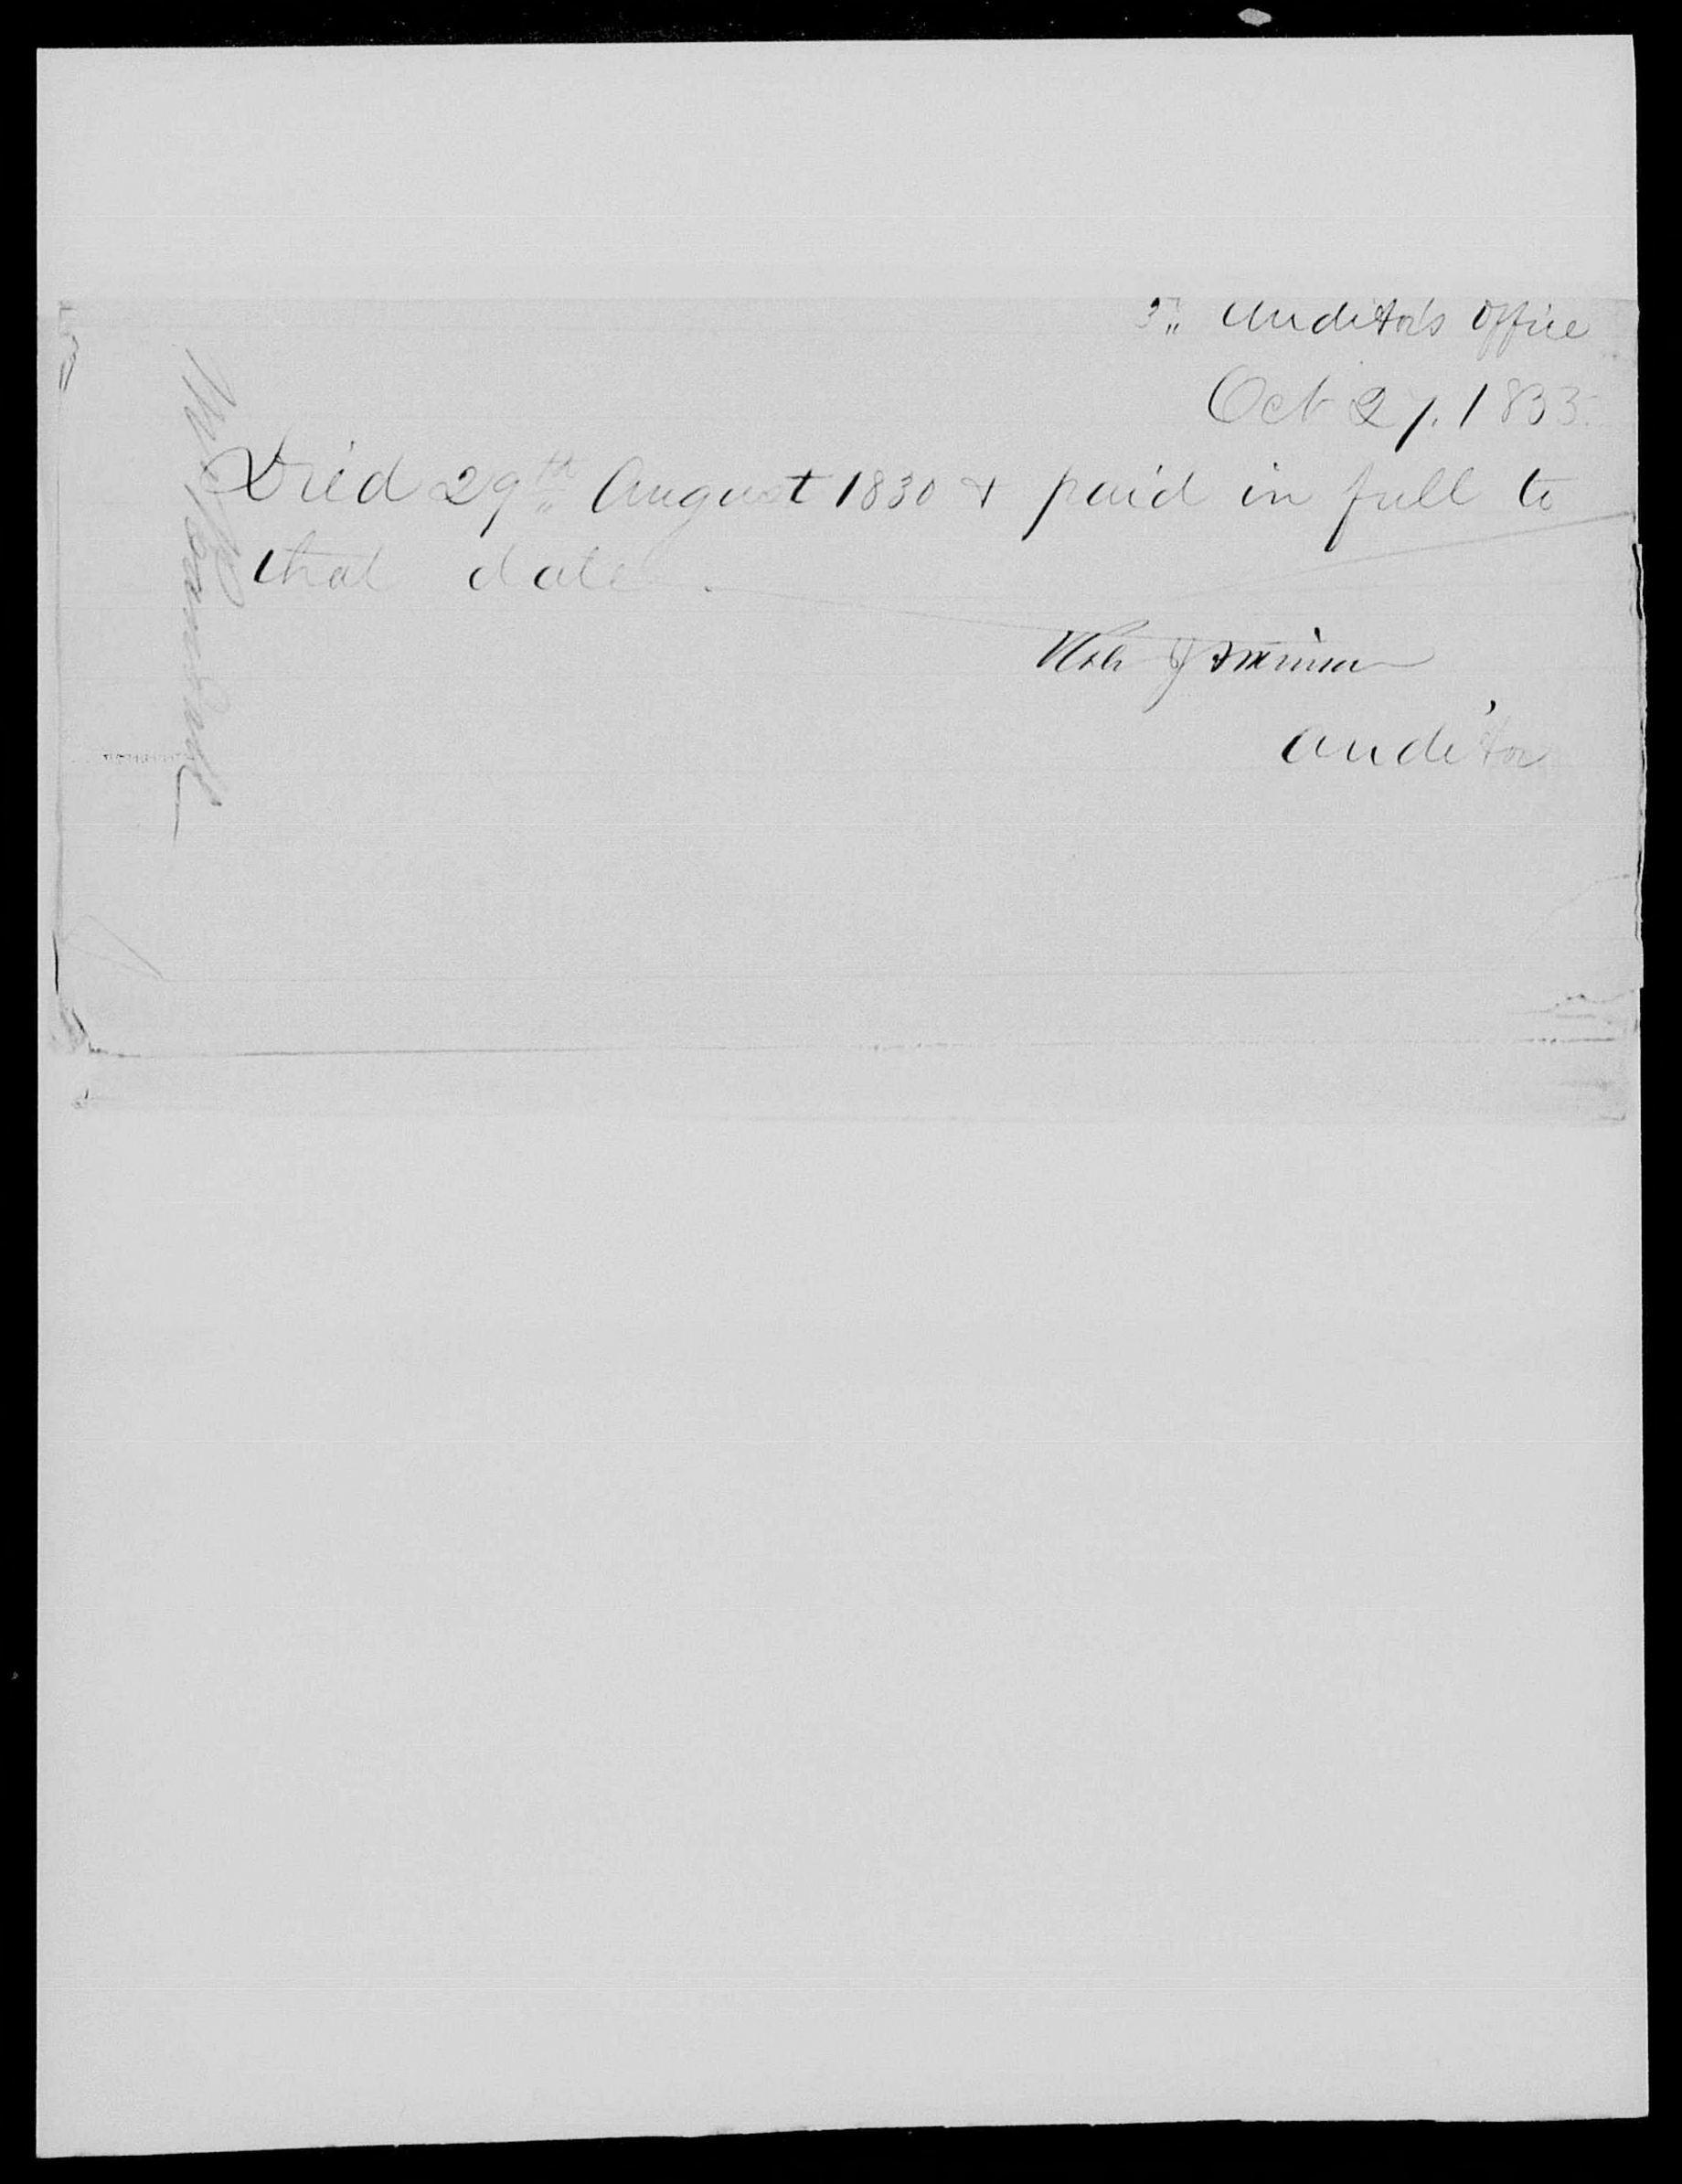Auditor's office
October 27, 1833
Died 29th August 1850 and paid in full to that 
date
William J [illegible]
Auditor
[margin] Mr. J. Randall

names: Randall, Robt J Atkinson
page: 47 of 63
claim: widow's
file: W. 4175, Joseph Davidson, N.C.